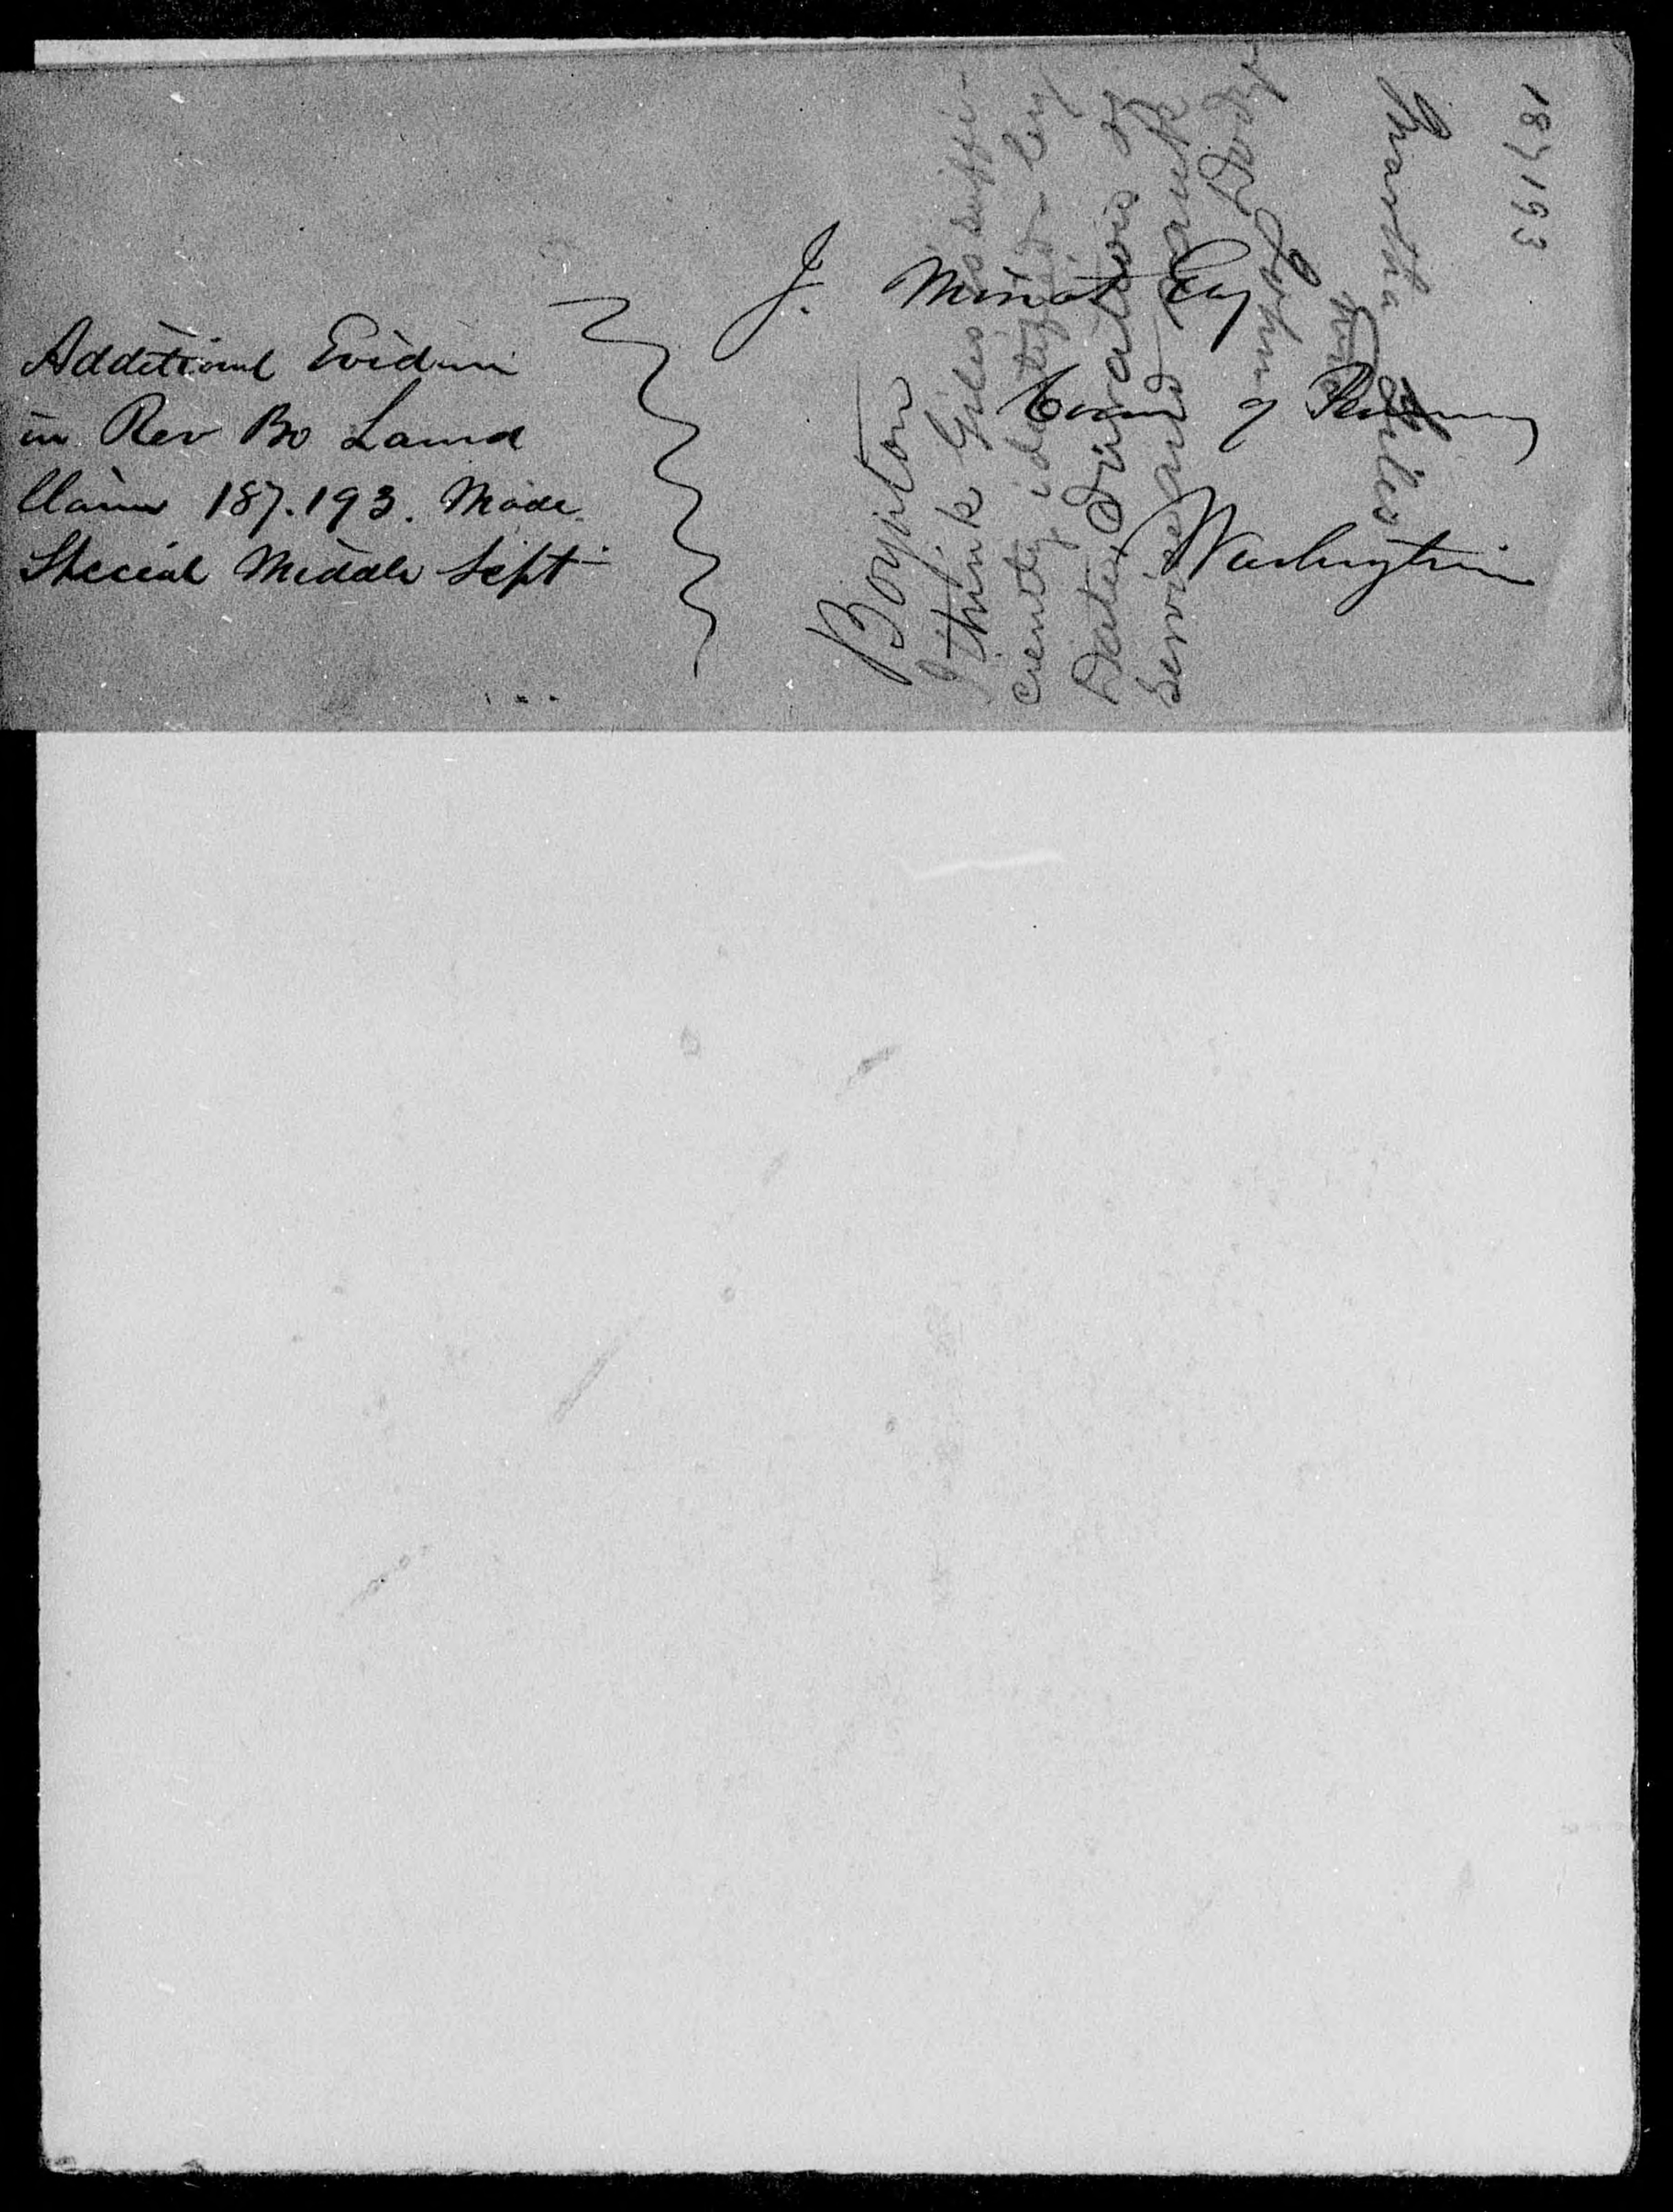Additional Evidence
In Rev Bo Land
Claim 187.193 Made
Special Middle Sept

J. Minot Esq
Commr of Pensions
Washington

Vertical:
Boynton
I think Giles is sufficiently identified by date, duration of service and rank 
Dodge

Vertical:
187193
Martha Giles
Wid 
John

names: Martha Giles, Giles, John Giles, J Minot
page: 51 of 82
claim: widow's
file: W. 7,522, John Giles, N.C.